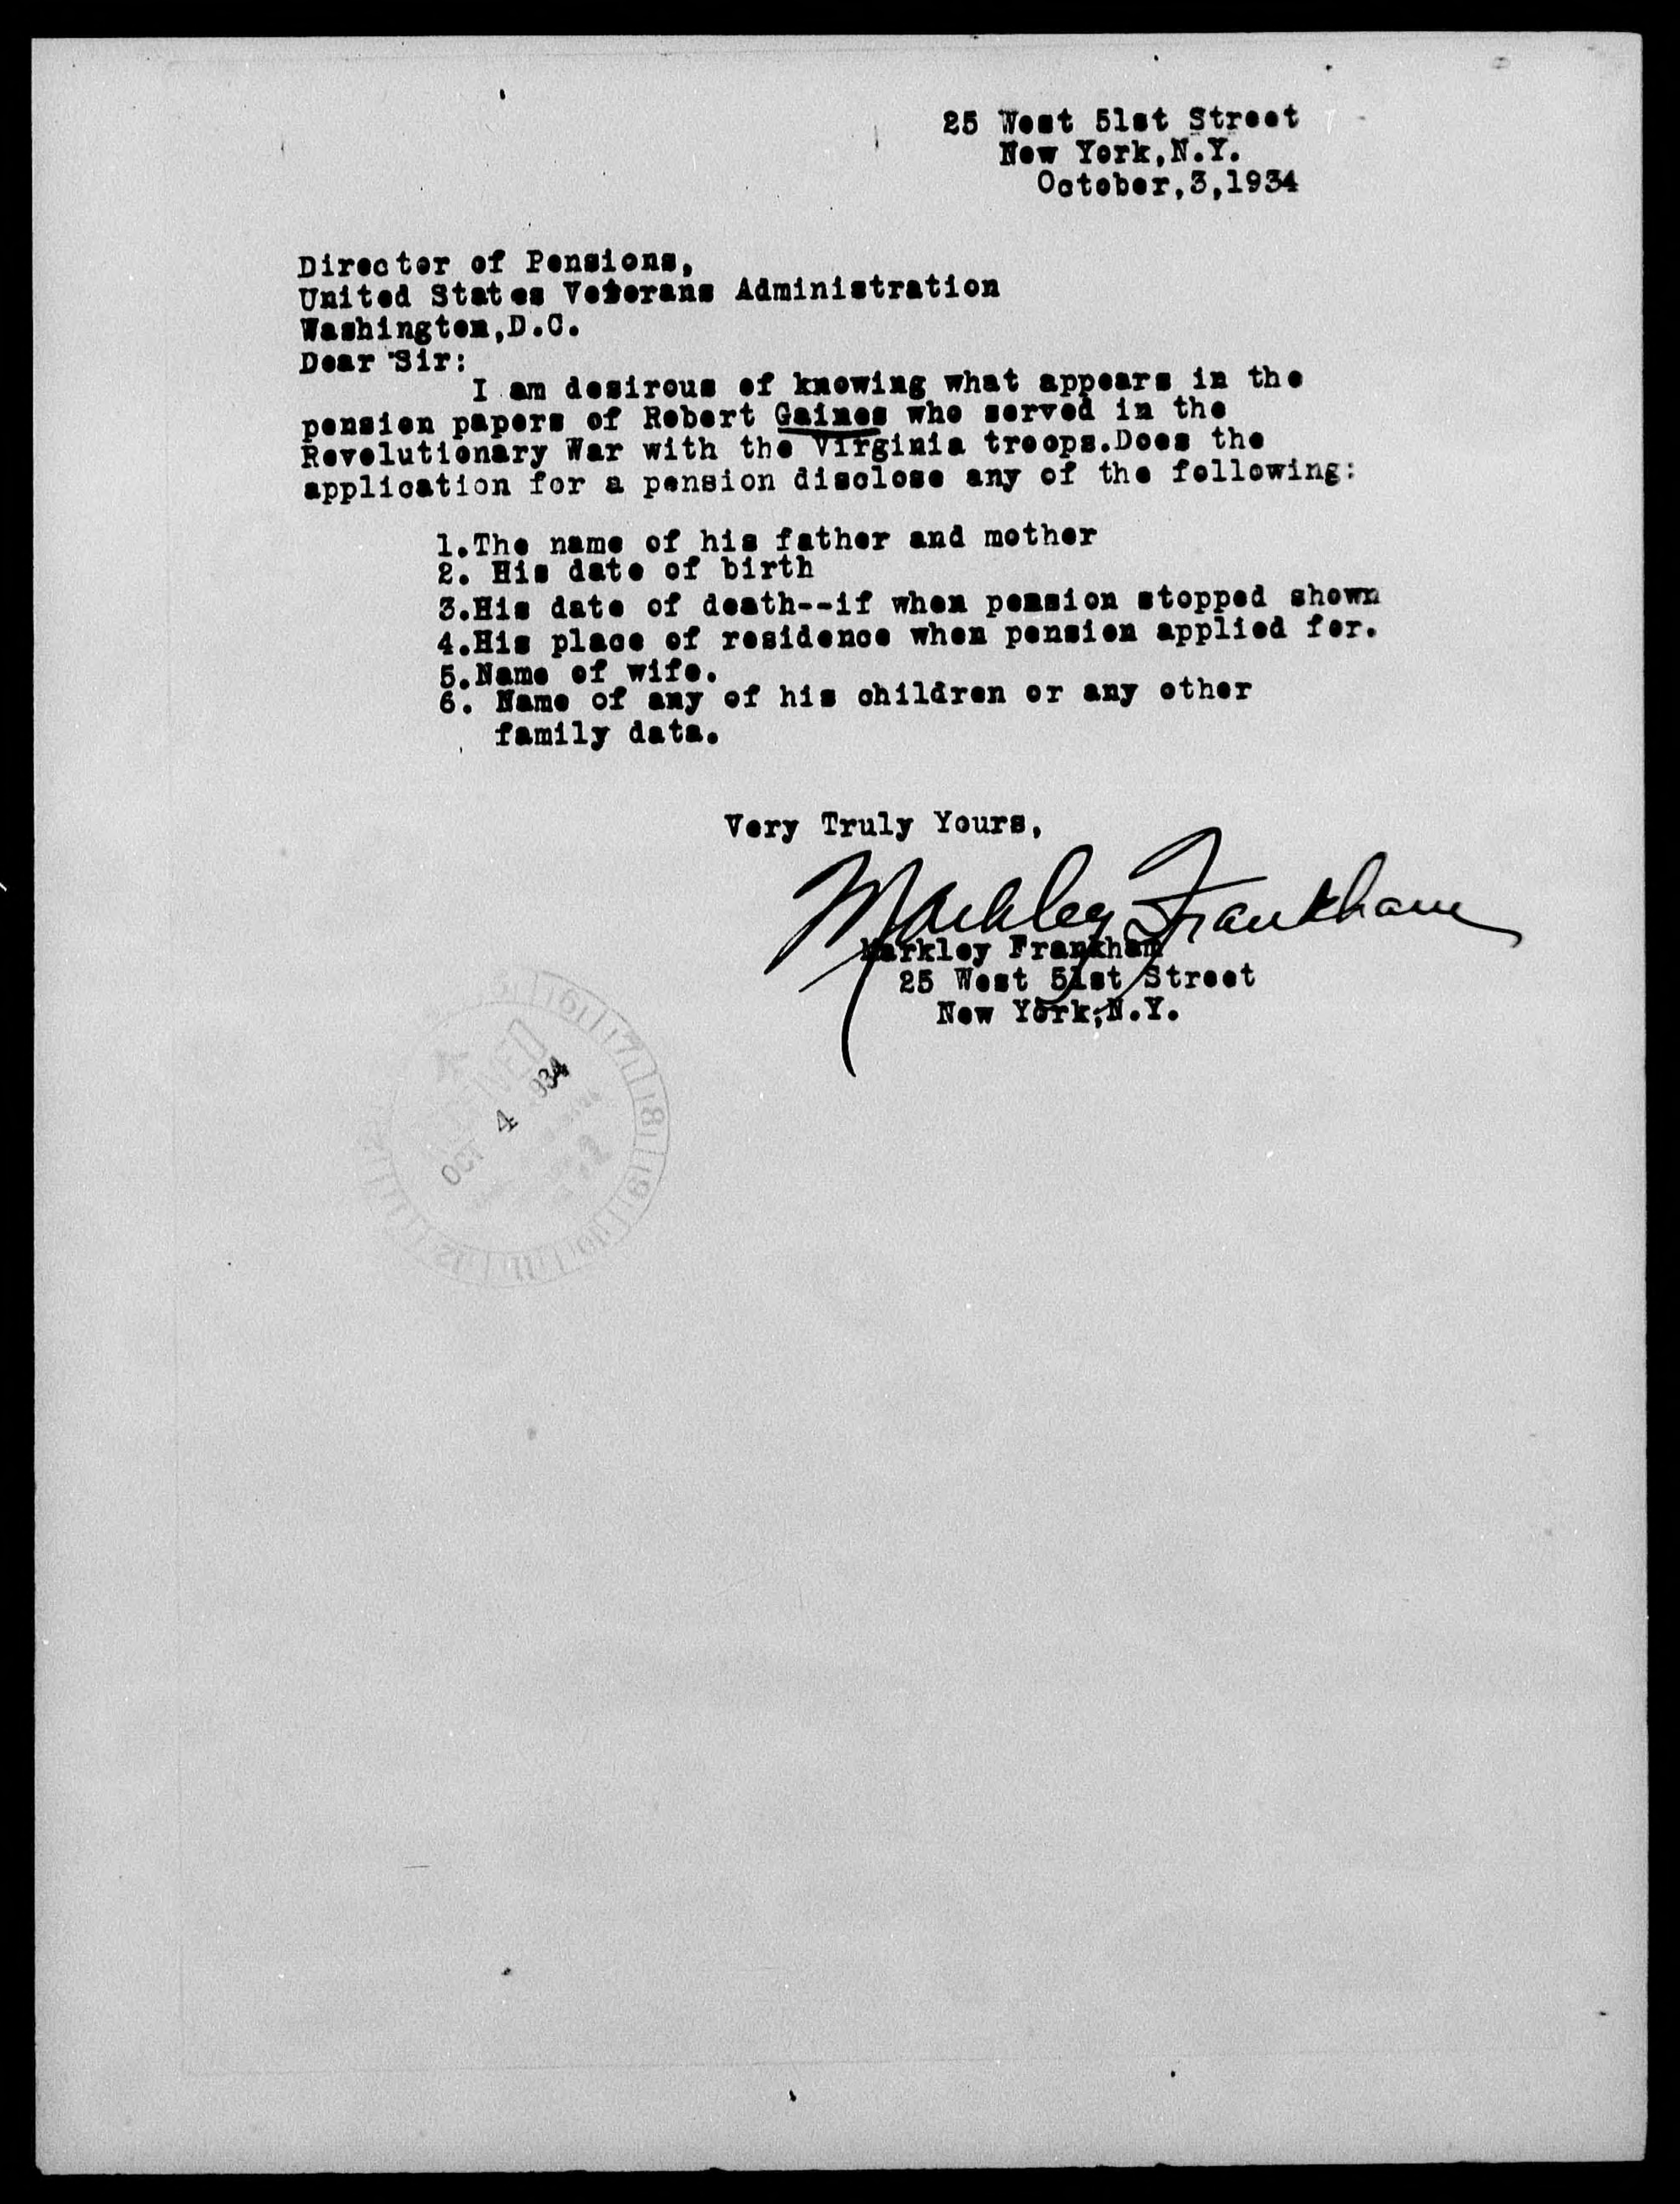25 West 51st Street
New York, N. Y.
October 3, 1934
Director of Pensions,
United States Veterans Administration
Washington, D.C.
Dear Sir:
I am desirous of knowing what appears in the
pension papers of Robert Gaines who served in the
Revolutionary War with the Virginia troops. Does the
application for a pension disclose any of the following:
1. The name of his father and mother
2. His date of birth
3. His date of death -- if when pension stopped shown
4. His place of residence when pension applied for
5. Name of wife.
6. Name of any
of his children or any other
family data.
Very Truly Yours,
Mackley Frantham
Mackley Frantham
25 West 51st Street
New York, N. Y.

RECEIVED
OCT 4 1934
[illegible]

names: Markley Frankham, Markley Frankham, Robert Gaines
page: 37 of 79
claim: rejected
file: R. 3863, Robert Gaines, Va.